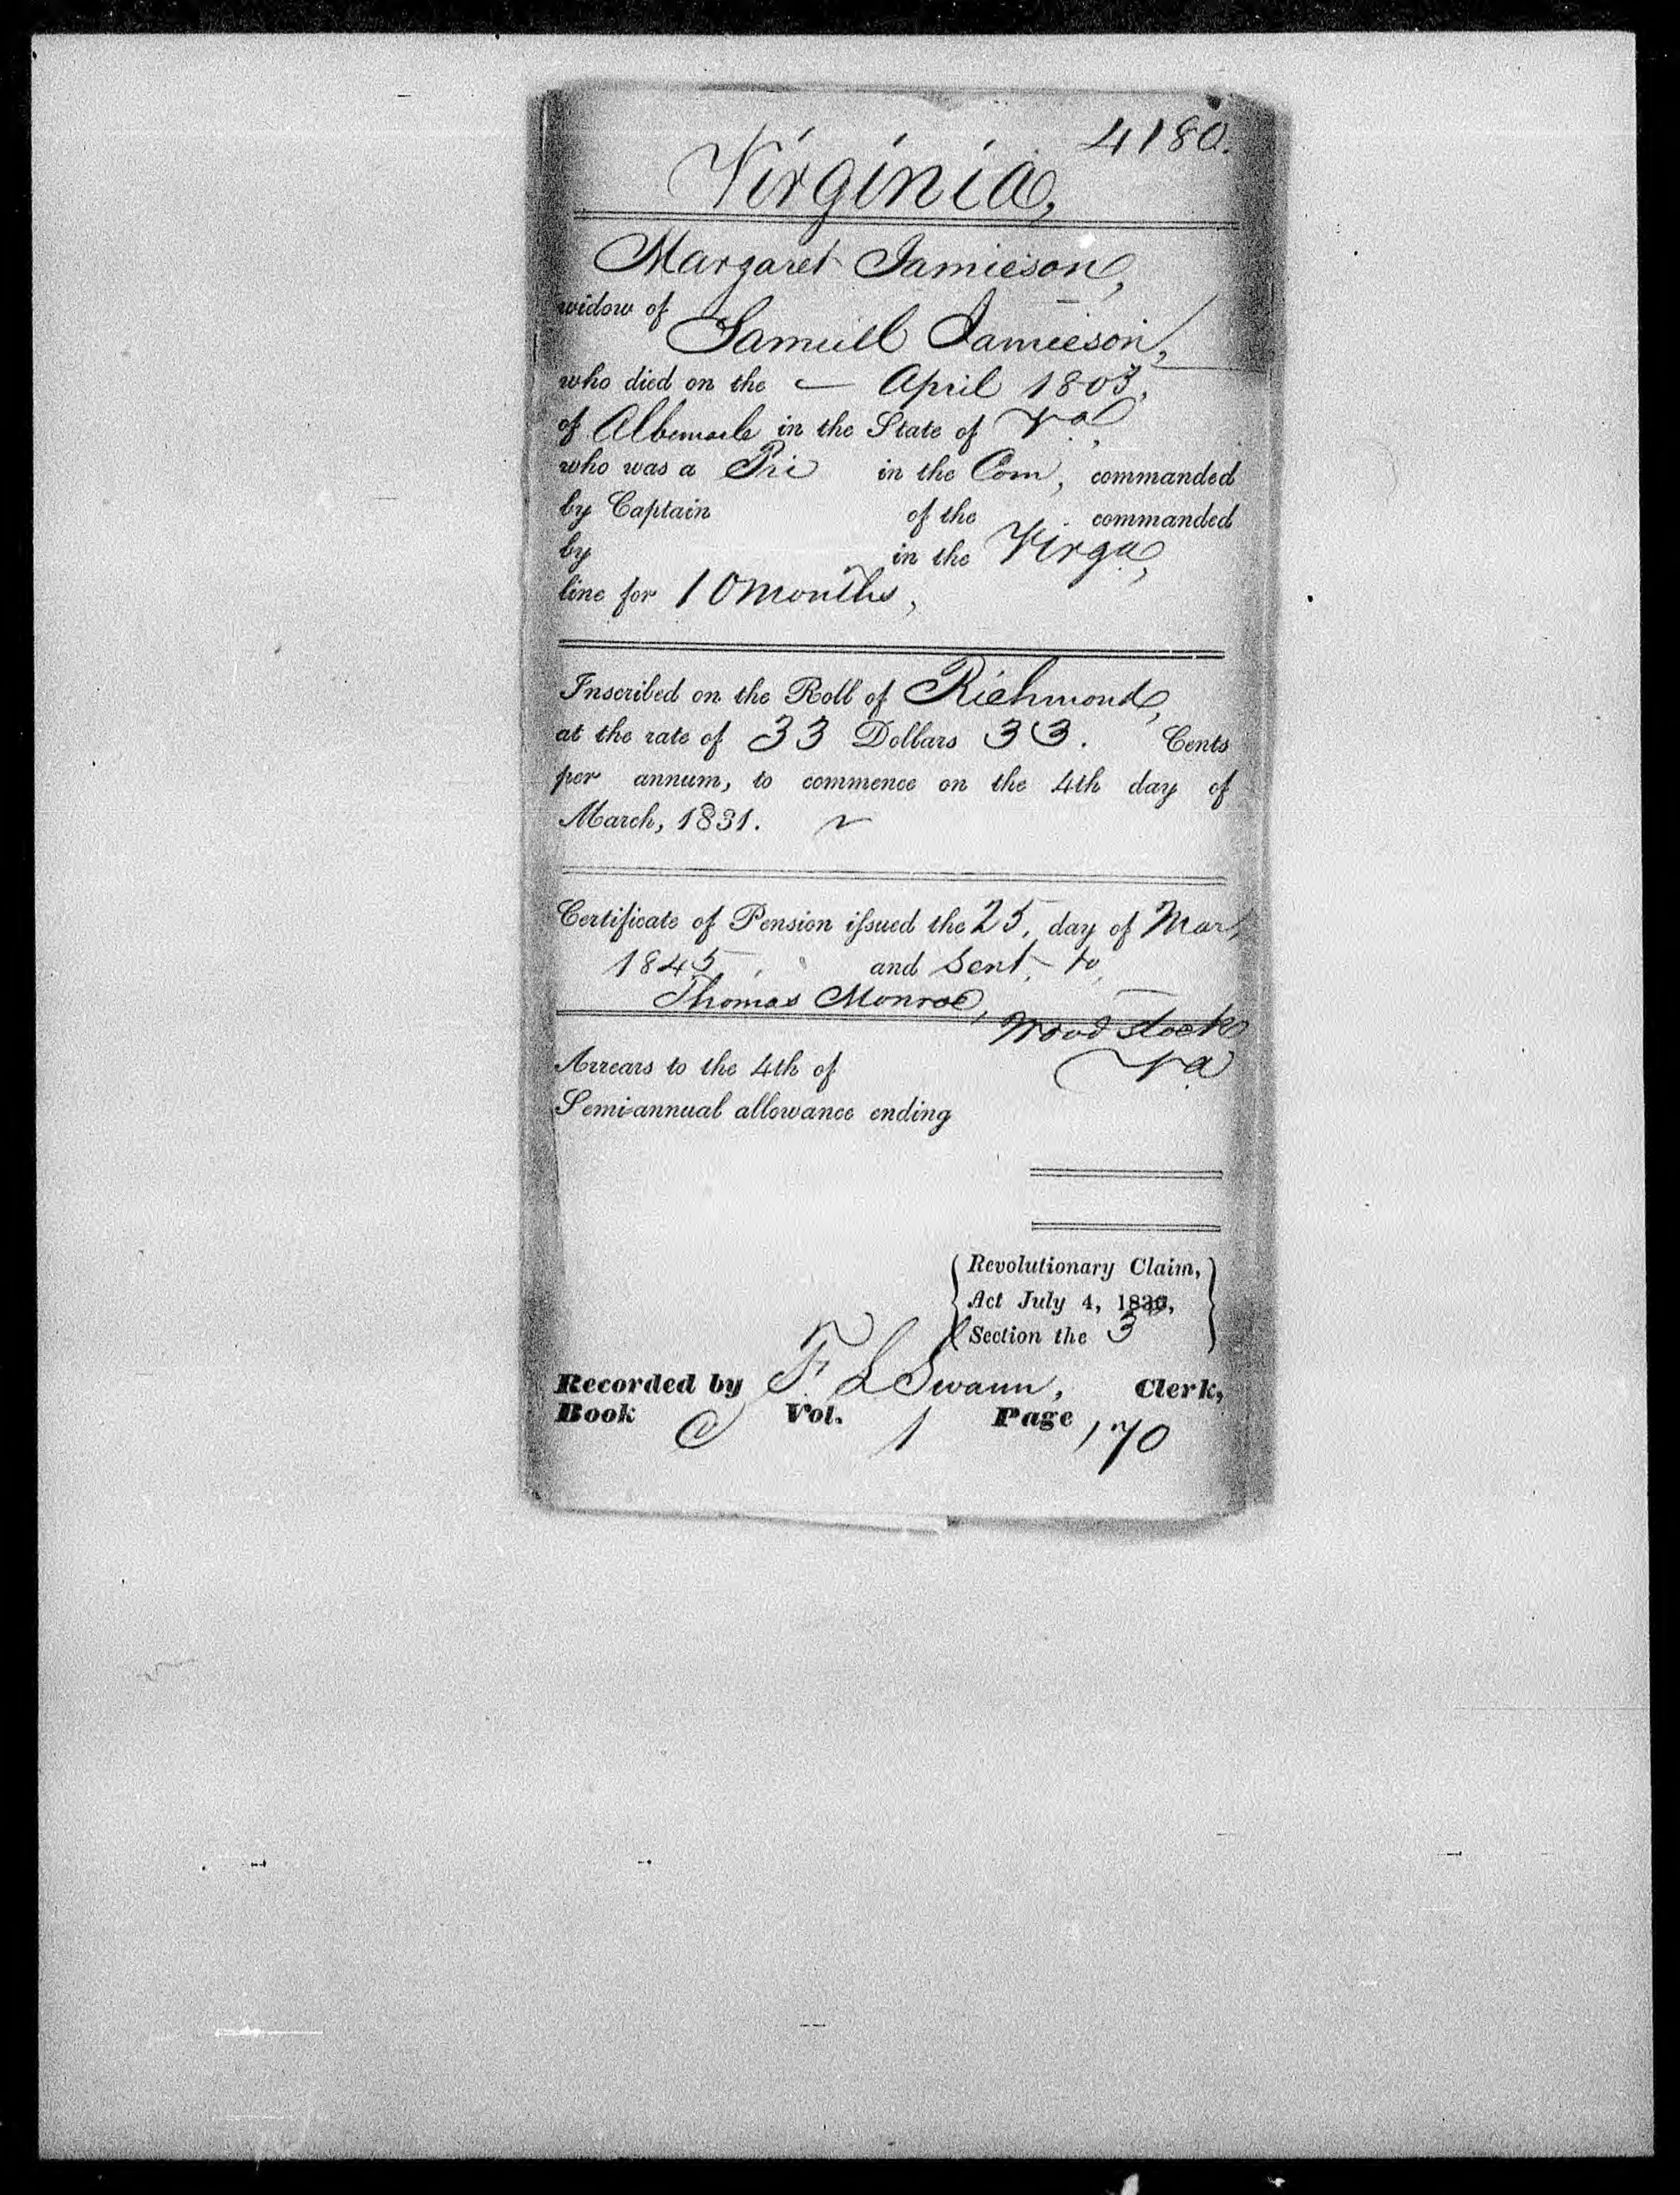4180
Virginia,
Margaret Jamieson,
widow of Samuel Jamieson,
who died on the - April 1803,
of Albermarle in the State of Va.,
who was a Pri in the Com, commanded
by Captain   of the    commanded
by    in the Virginia
line for 10 months.

Inscribed on the Roll of Richmond,
at the rate of 33 Dollars 33. Cents
per annum, to commence on the 4th day of
March, 1831.

Certificate of Pension issued the 25, day of March,
1845, and sent to 
Thomas Monroe, Woodstock
Va.

Arrears to the 4th of
Semi-annual allowance ending
{Revolutionary Claim,
Act July 4, 1830
Section the 3}
Recorded by F. S. Swann, Clerk,
Book C Vol. 1 Page 170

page: 2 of 28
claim: widow's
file: W. 5112, for Samuel Jamieson, Virginia